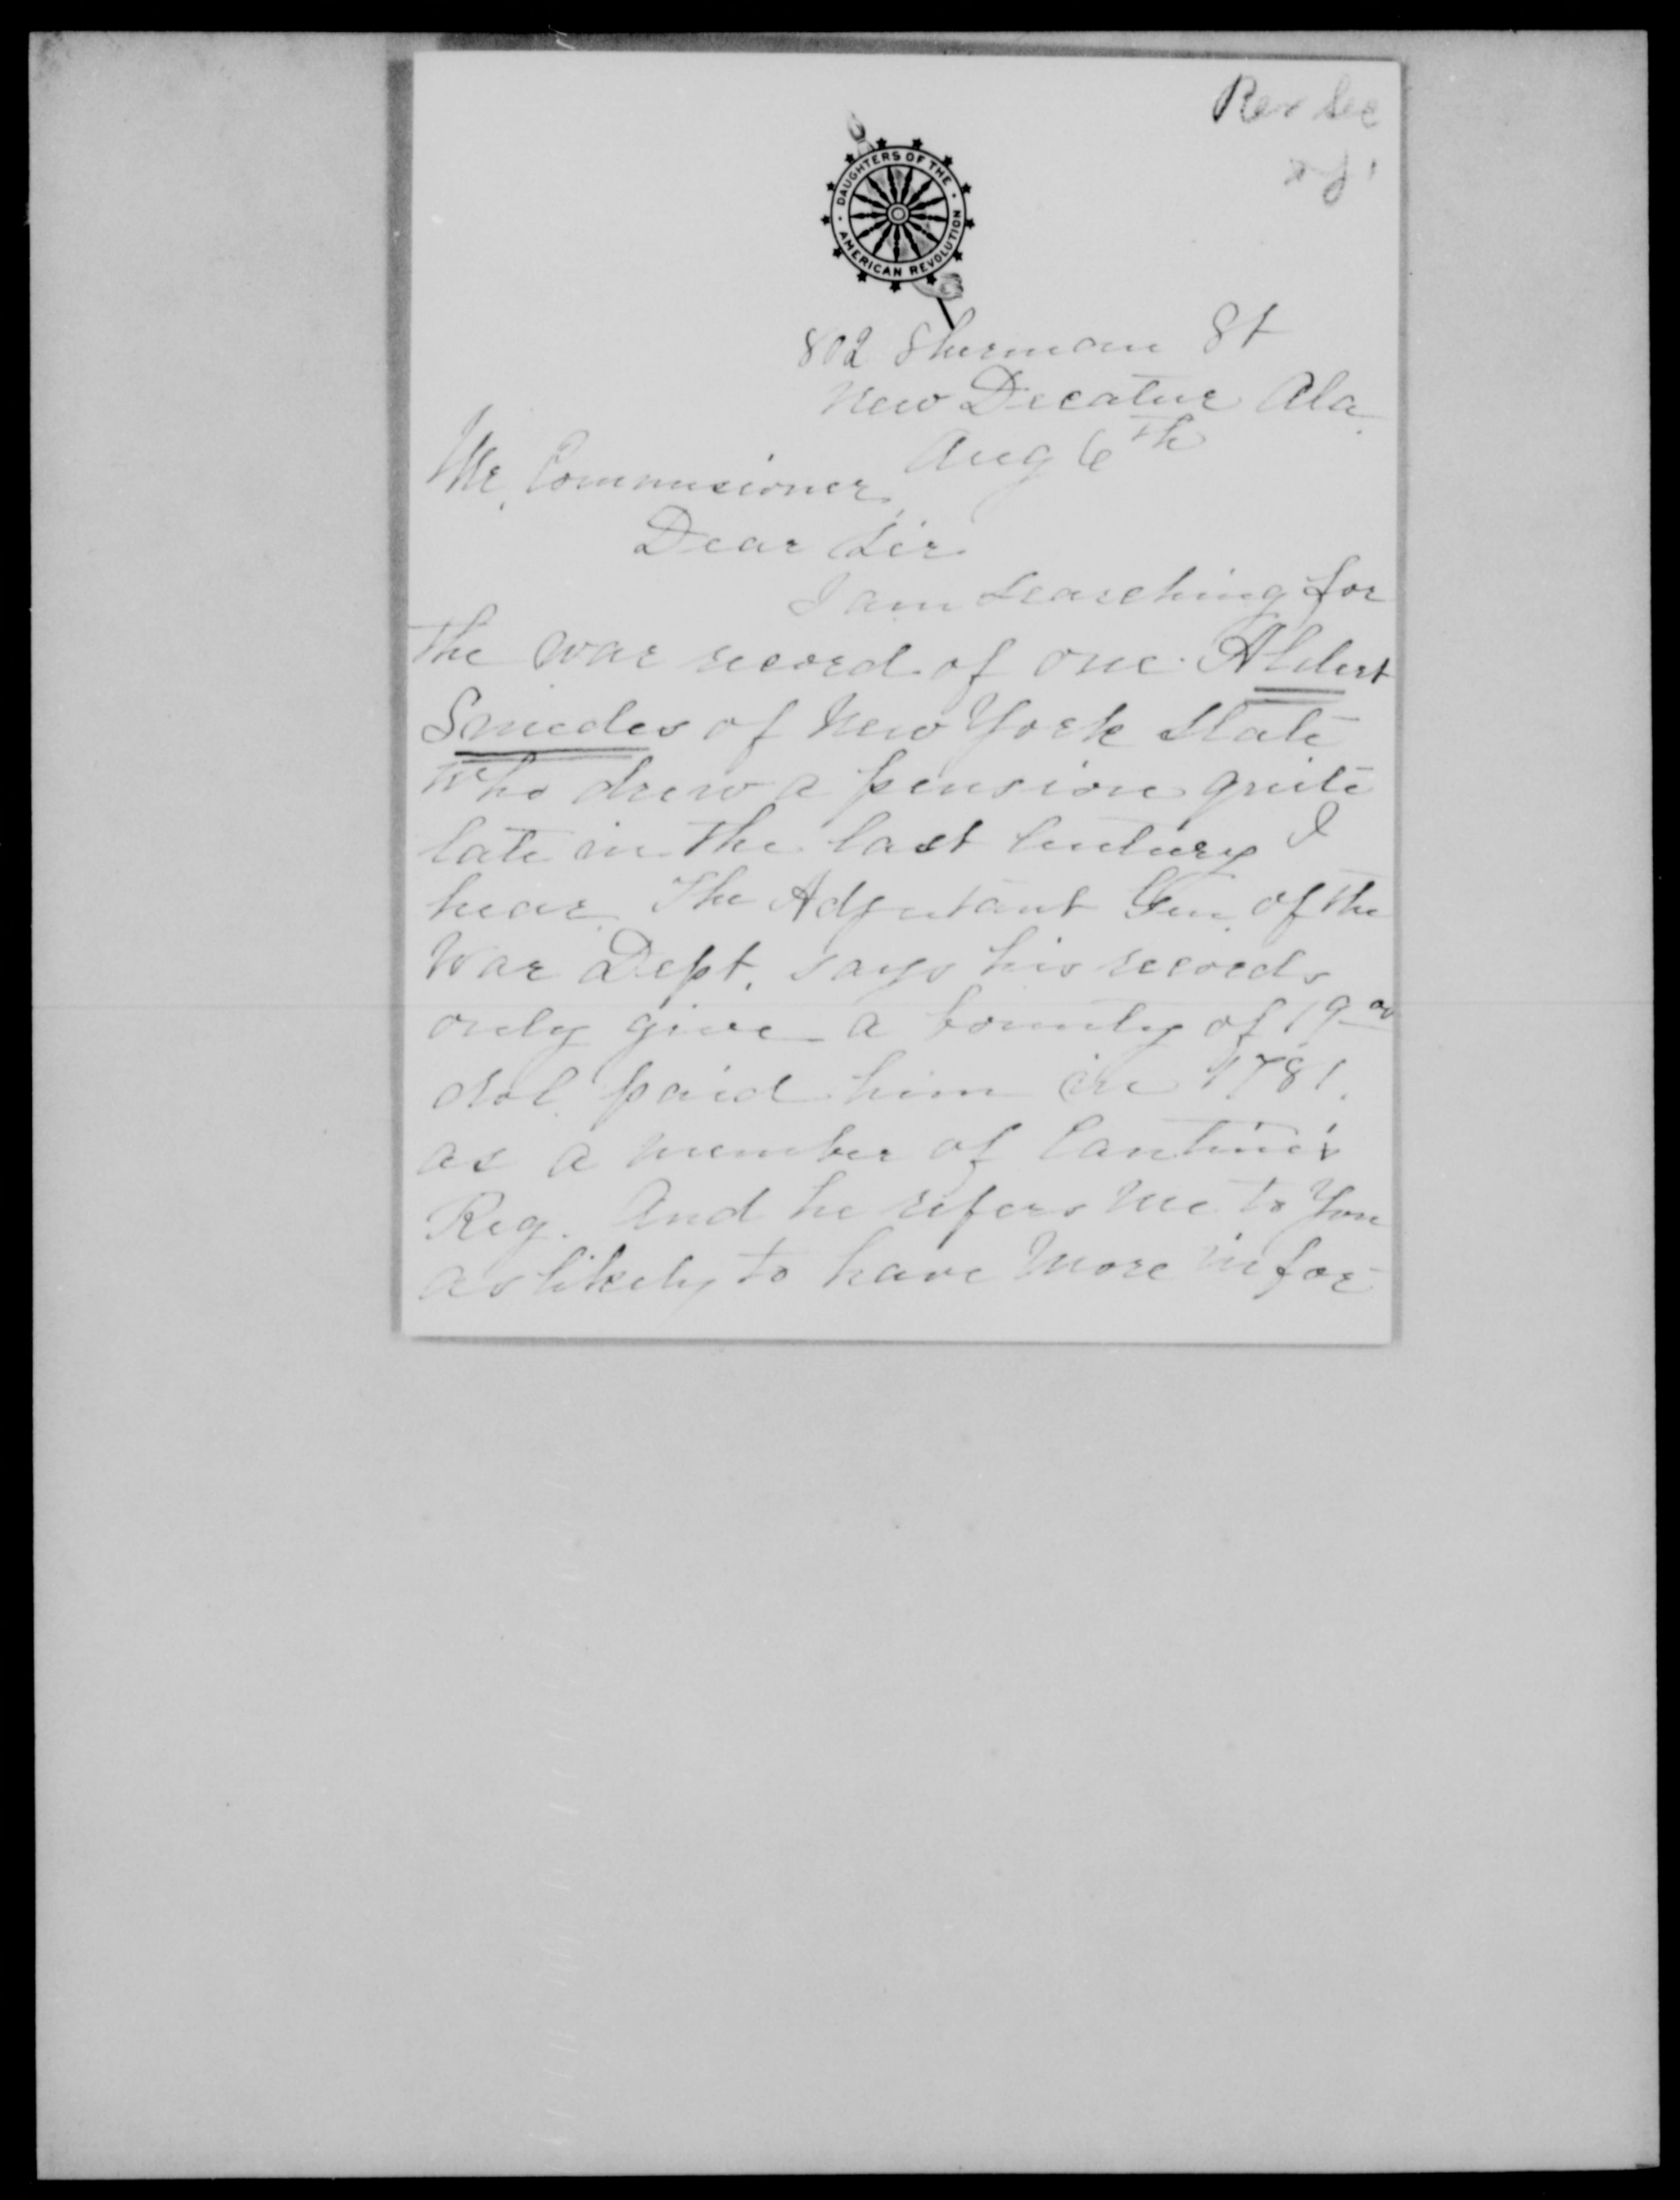Rec Sec [Recording Secretary]
[illegible]

[Seal:]
Daughters of the American Revolution

802 Sherman St.
New Decatur Ala.
Aug 6th

The Commisioner [Commissioner]

Dear Sir
I am searching for the war record of one Aldert Smedes of New York State who drew a pension quite late in the last century I hear.  The Adjutant Gen. of the War Dept. says his records  only give a bounty of 19.00 dol. paid him in 1781 as a member of Cantine's Reg. And he refers me to you as likely to have more infor-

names: Aldert Smedes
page: 22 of 29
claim: survivor's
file: S. 11415, for Aldert Smedes, New York